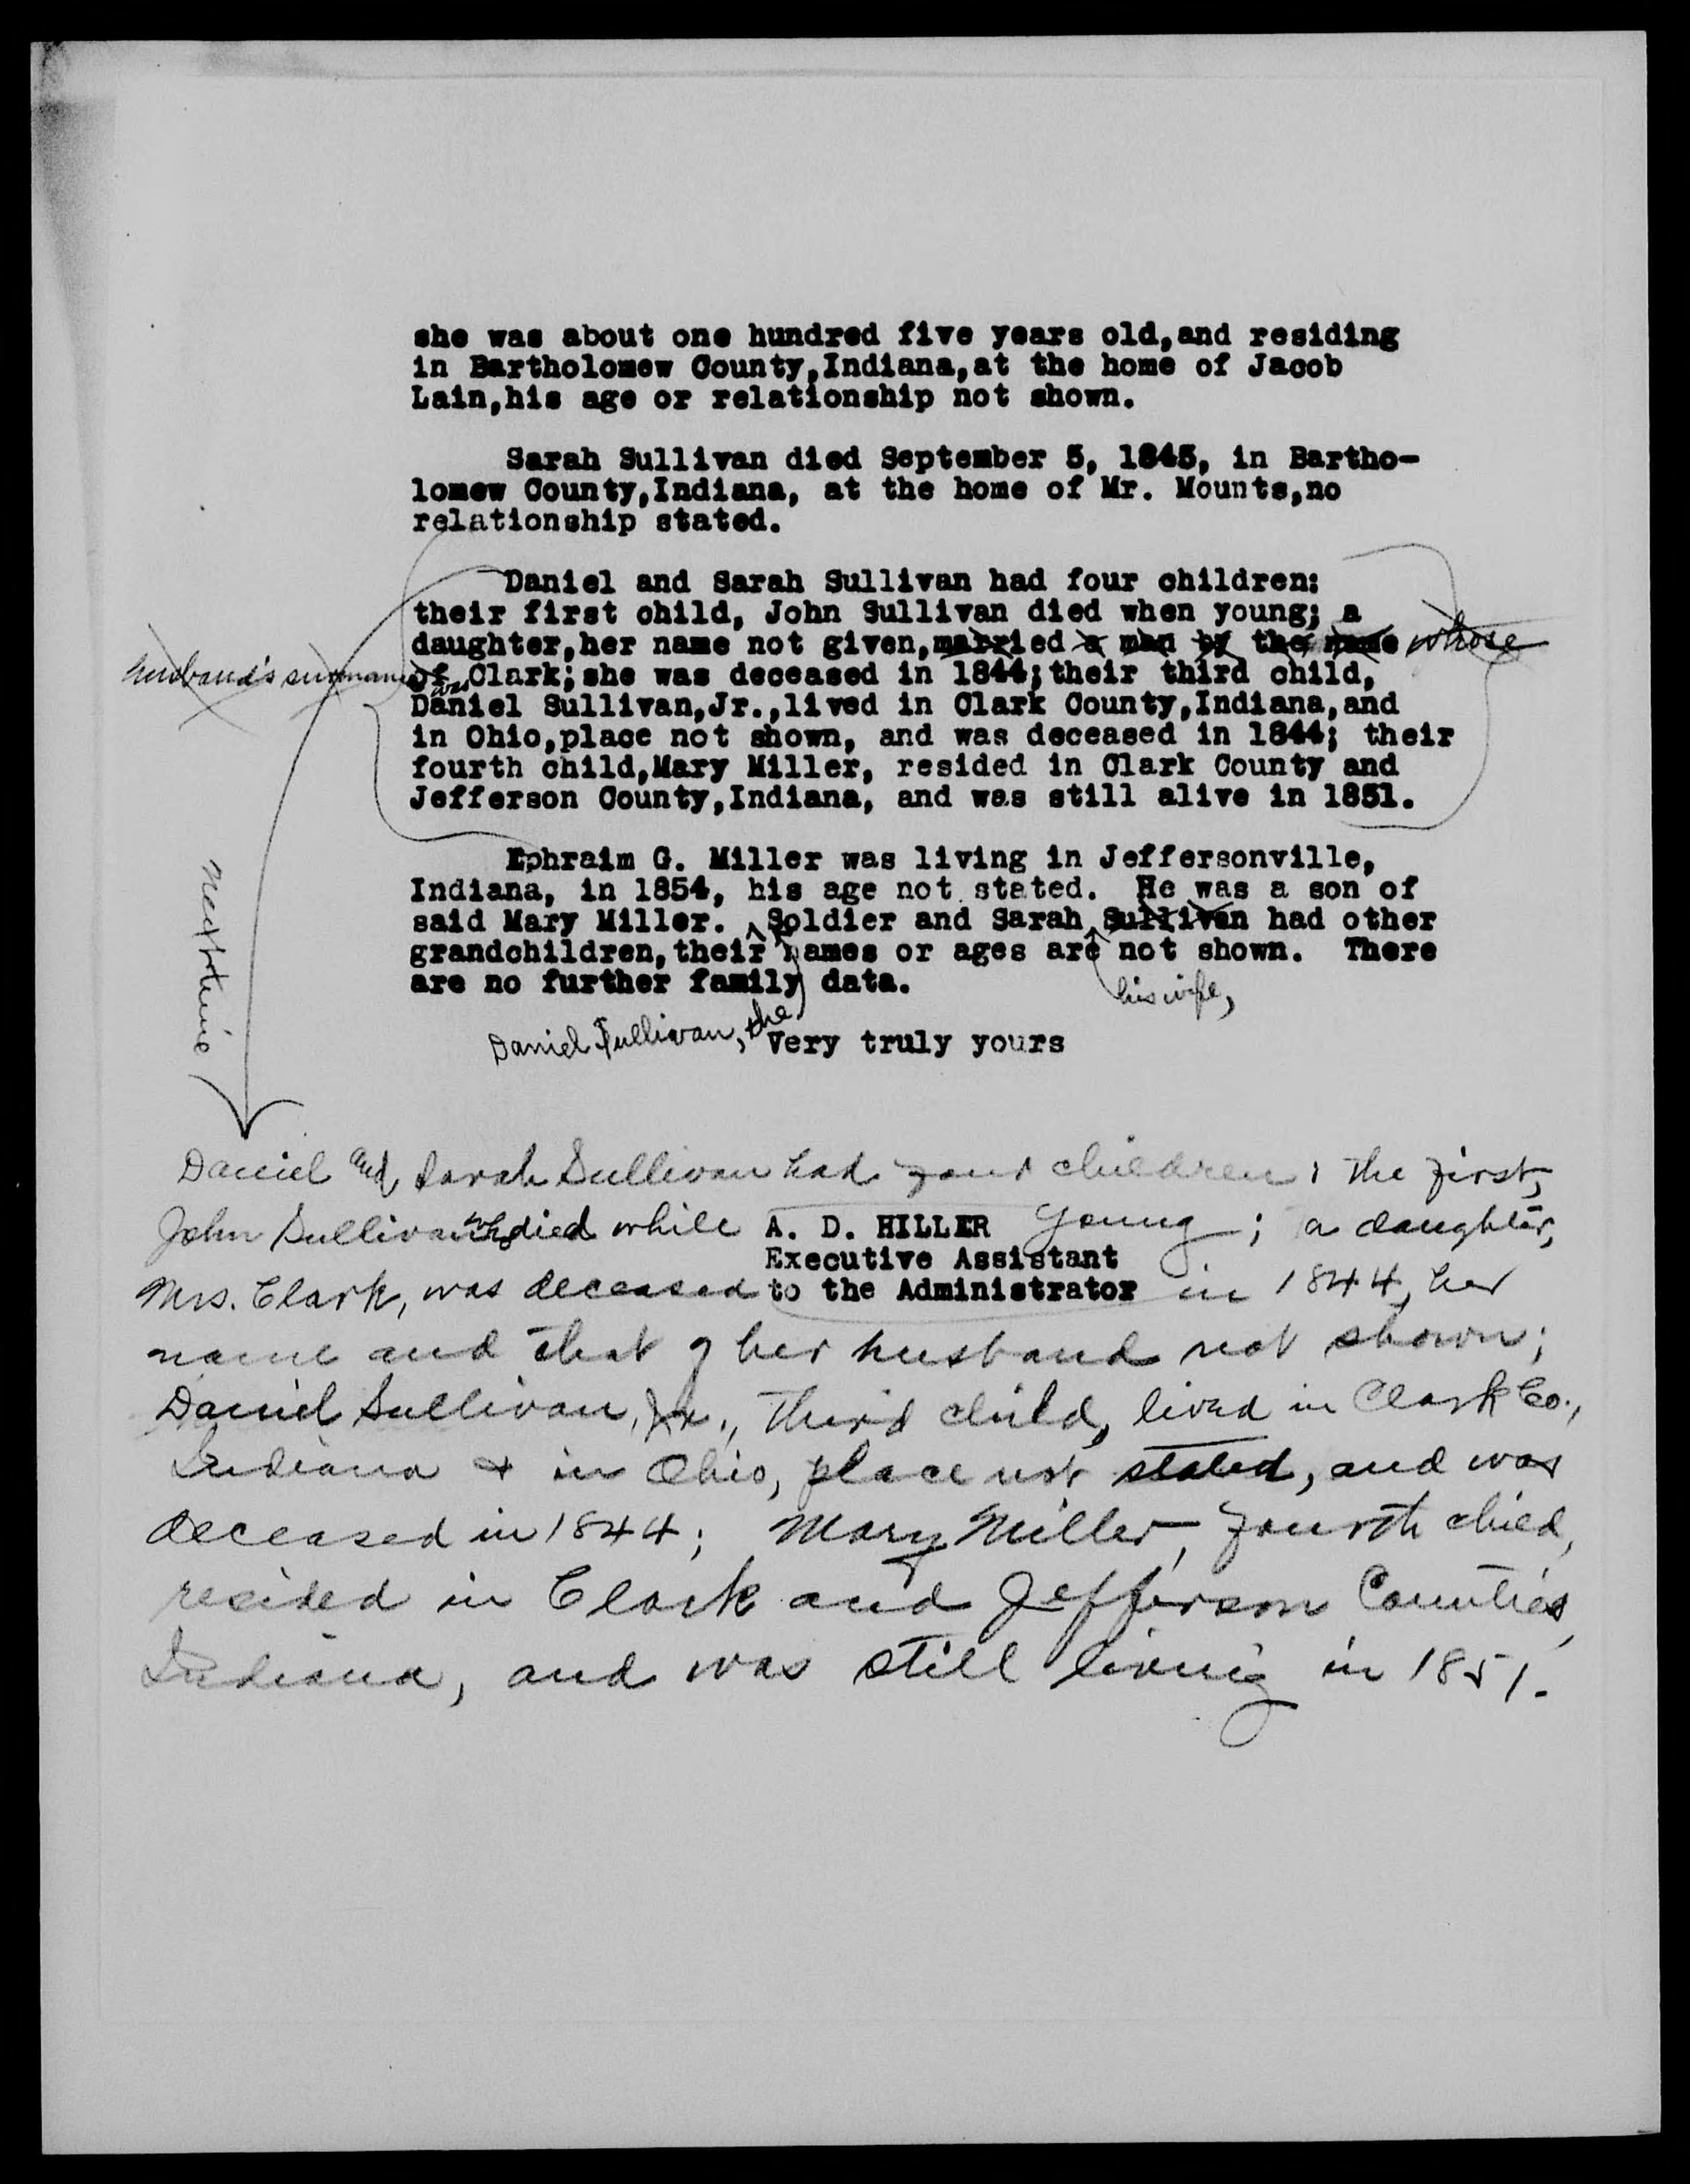[typed letter, page 2 of 2]

she was about one hundred five years old, and residing in Bartholomew County, Indiana, at the home of Jacob Lain, his age or relationship not shown.

Sarah Sullivan died September 5, 1845, in Bartholomew County, Indiana, at the home of Mr. Mounts, no
relationship stated.

Daniel and Sarah Sullivan had four children: their first child, John Sullivan died when young; a daughter, her name not given, ["married a man by the name whose husband's surname of" lined thru] was Clark; she was deceased in 1844; their third child, Daniel Sullivan, Jr., lived in Clark County, Indiana, and in Ohio, place not shown, and was deceased in 1844; their fourth child, Mary Miller, resided in Clark County and
Jefferson County,Indiana, and was still alive in 1851.

[arrow from above paragraph to hand written note at the bottom of the page, as follows:]
next time
Daniel and Sarah Sullivan had four children: the first, John Sullivan who died while young; a daughter, Mrs. Clark, was deceased in 1844, her name and that of her husband not shown; Daniel Sullivan, Jr. third child, lived in Clark Co., Indiana & in Ohio, place not stated, and was  deceased in 1844; Mary Miller, fourth child, resided in Clark and Jefferson Counties, Indiana, and was still living in 1851.]
[/handwritten note]

Ephraim G. Miller was living in Jeffersonville, Indiana, in 1854, his age not stated. He was a son of said Mary Miller. Daniel Sullivan, the Soldier and Sarah his wife, ["Sullivan" lined thru] had other
grandchildren, their names or ages are not shown. There are no further family data.

Very truly yours

A. D. HILLER
Executive Assistant
to the Administrator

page: 20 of 78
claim: widow's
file: W. 25,169, for Daniel Sullivan, Maryland